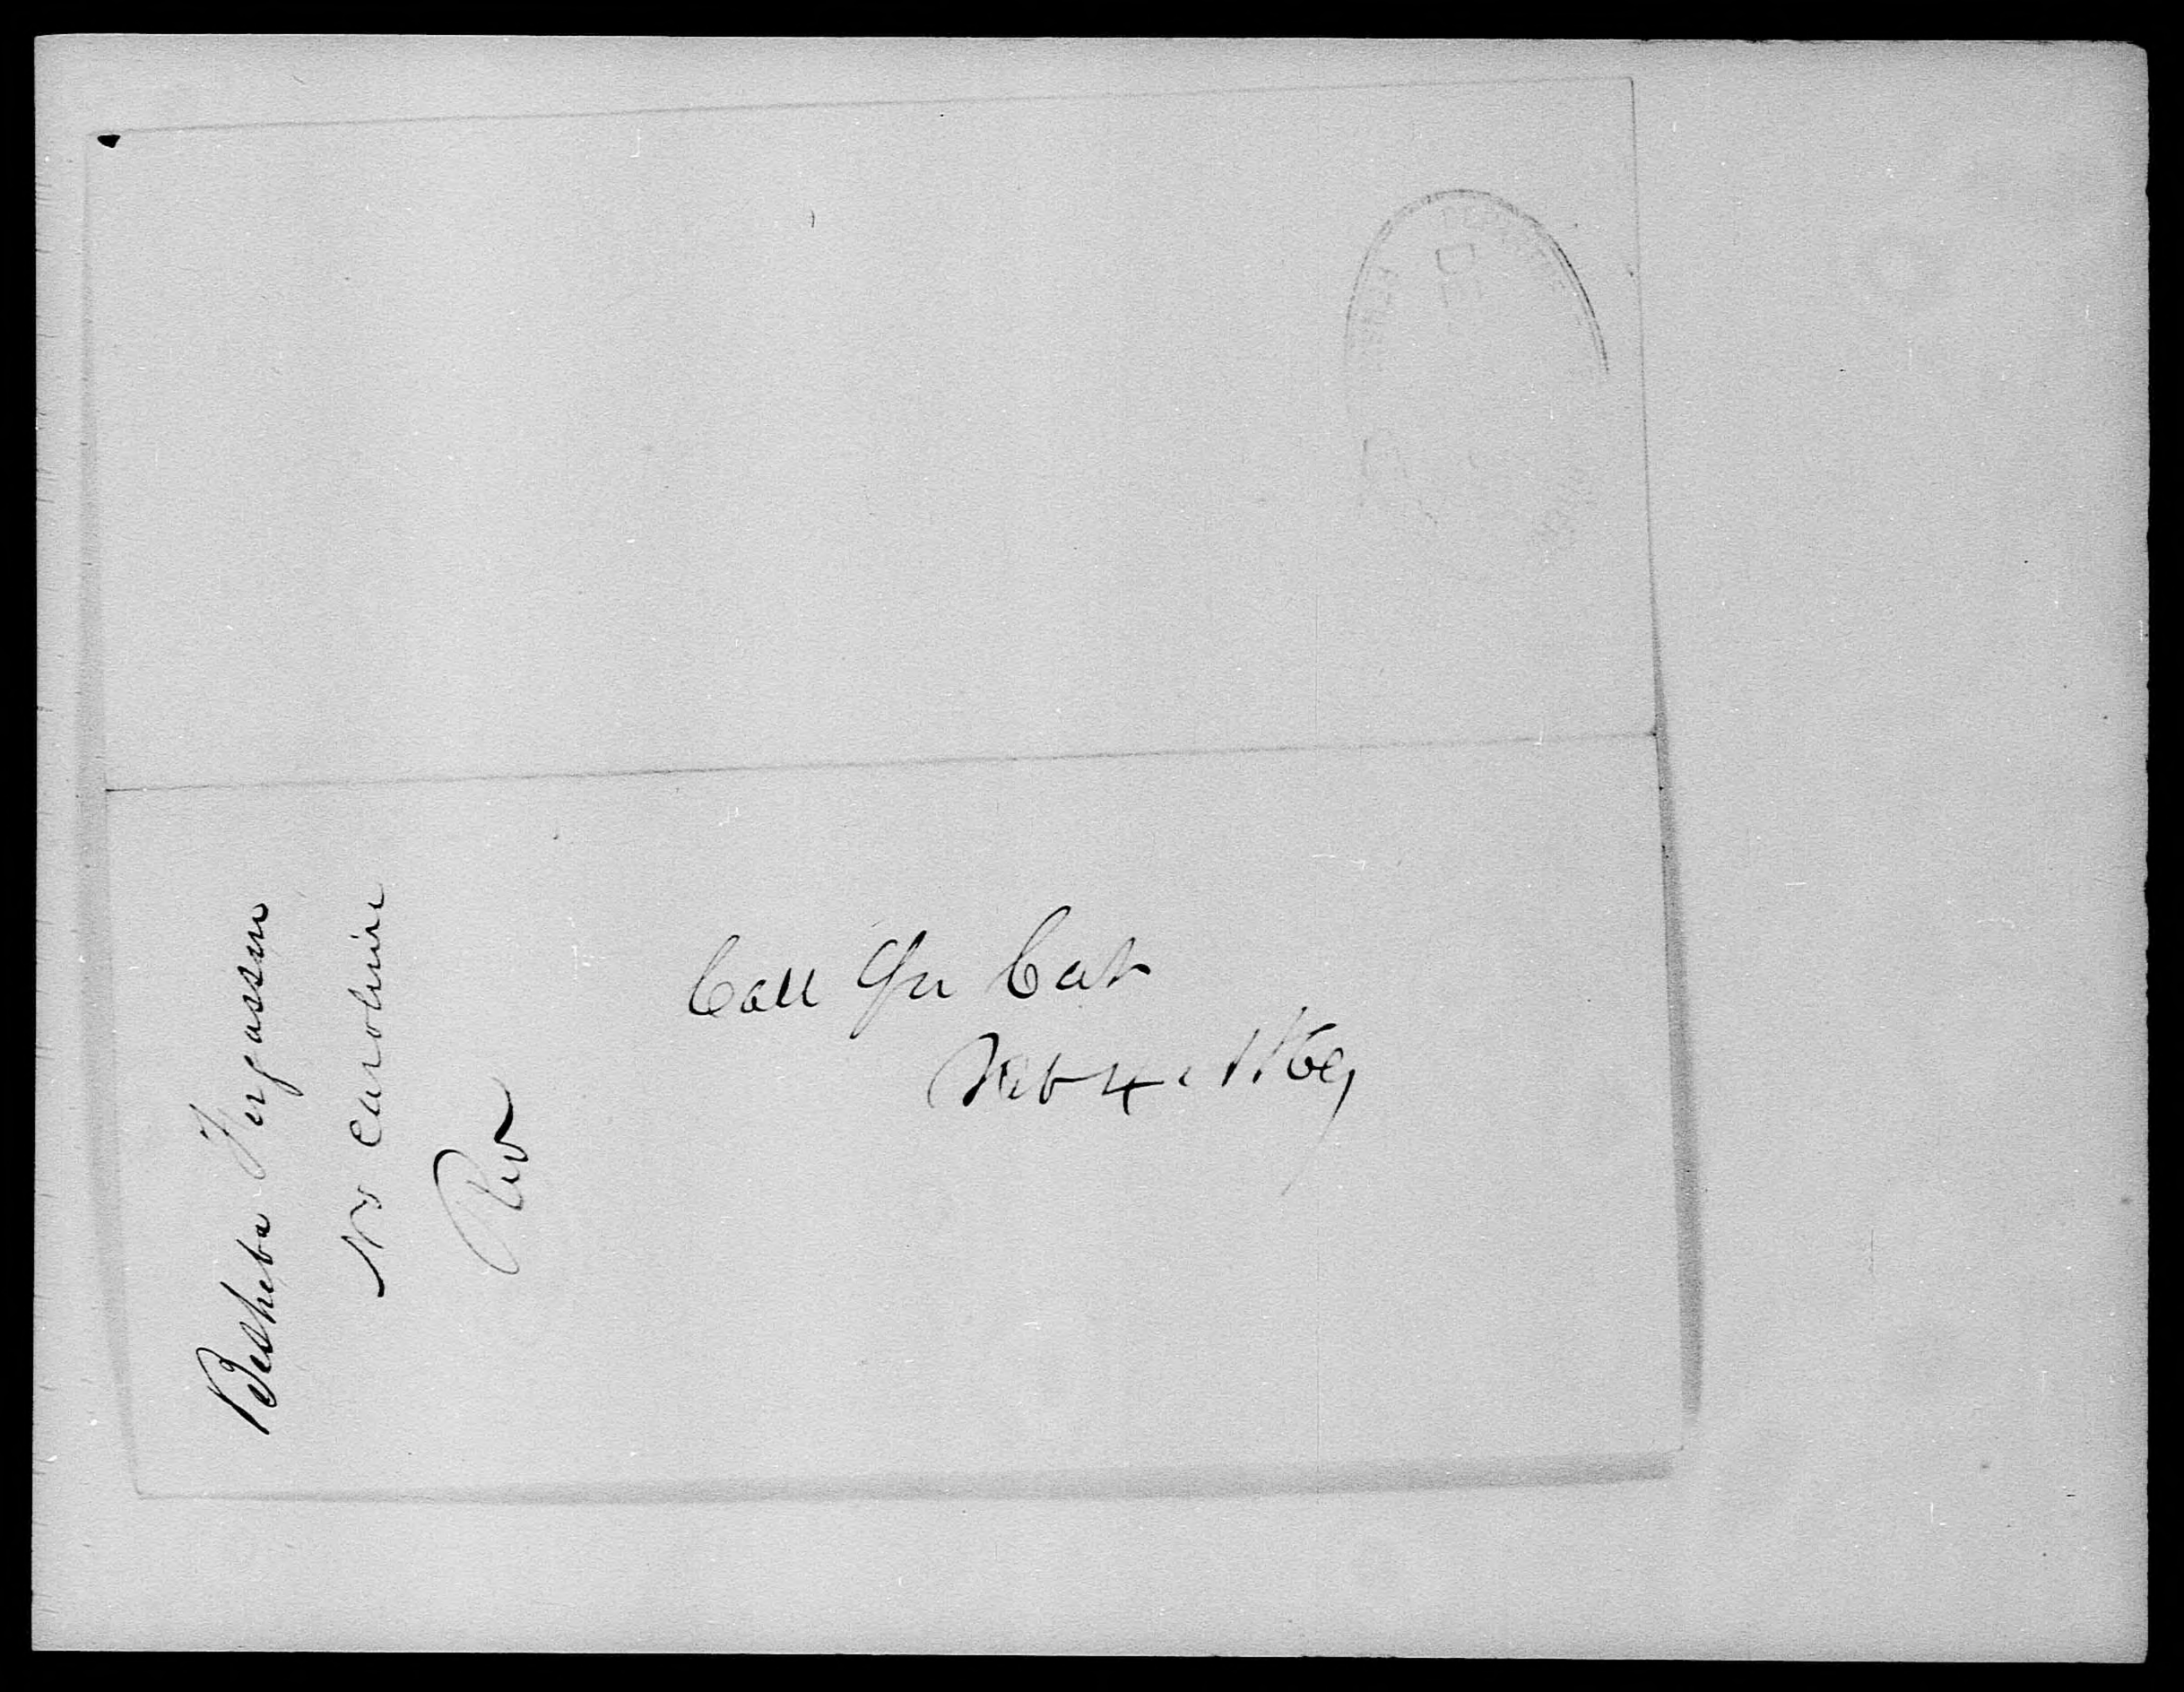(written sideways on page)
Besheba Fergusson
No Carolina
Rev

Call for Cat
Feb 4  HGY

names: Besheba Fergusson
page: 44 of 81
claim: widow's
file: W. 7262, Robert Ferguson, Va.